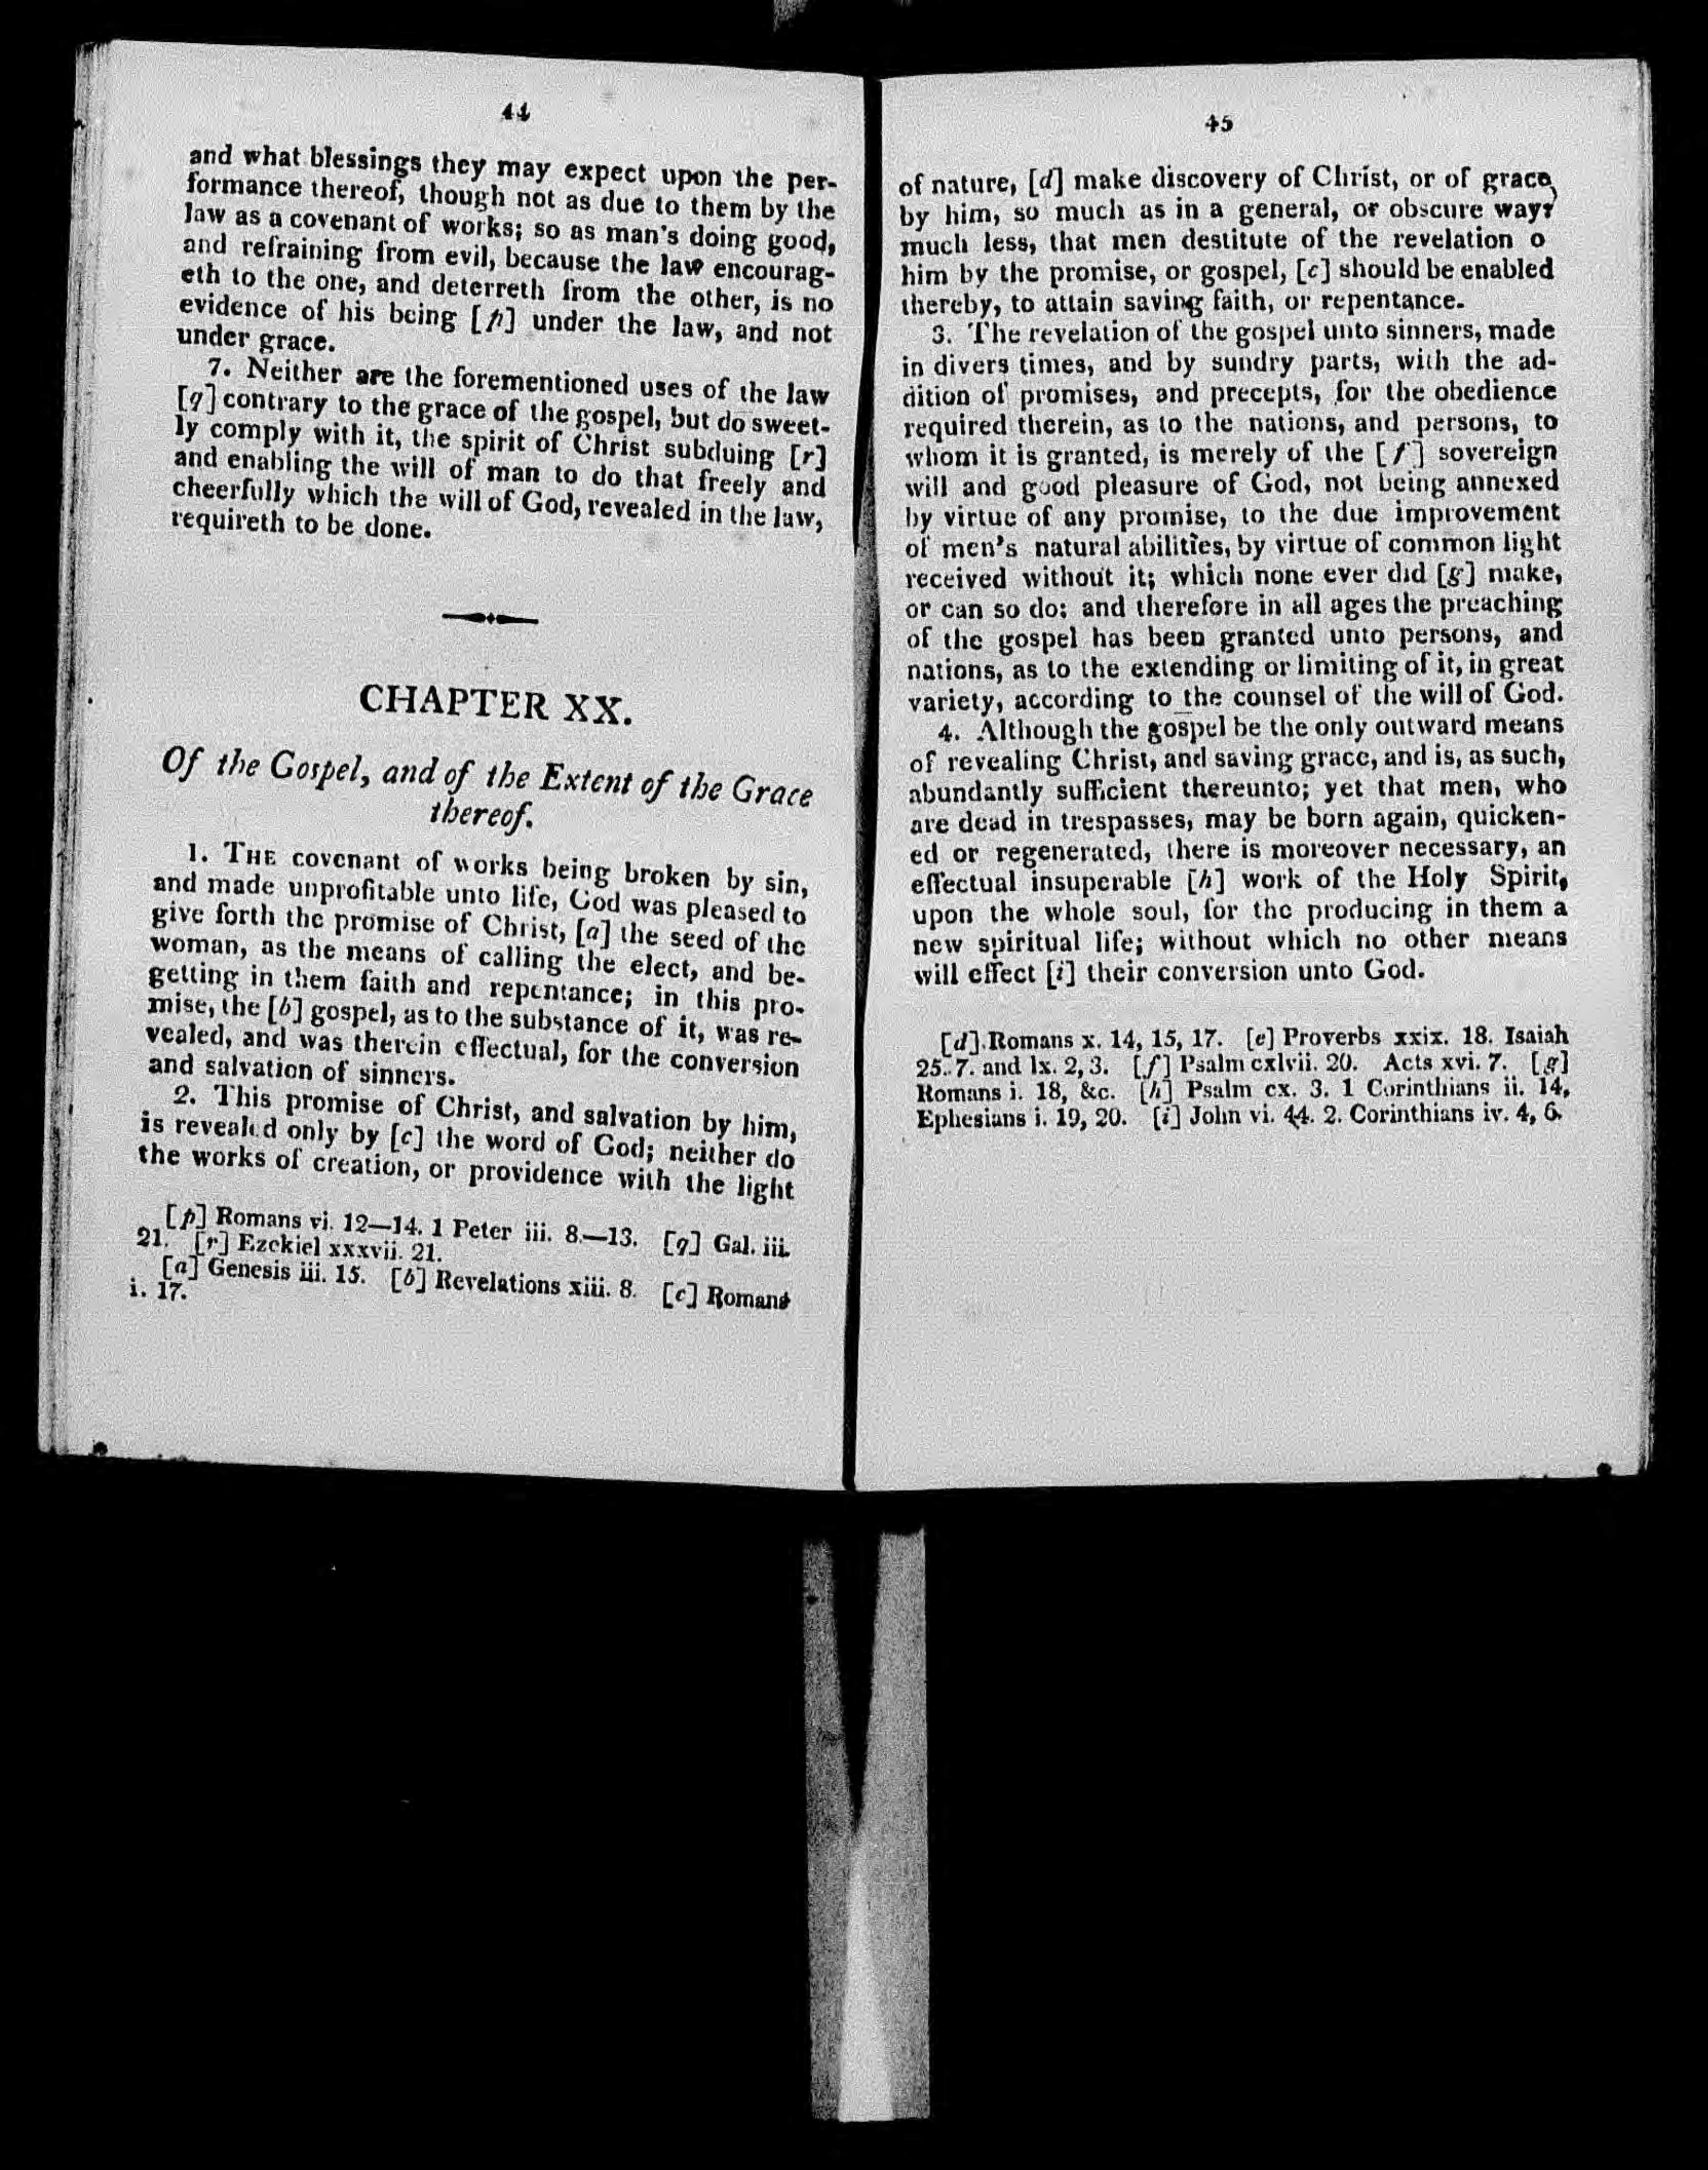44
and what blessings they may expect upon the performance
thereof, though not as due to them by the
law as a covenant of works; so as man's doing good,
and refraining from evil, because the law encourageth
to the one, and deterreth from the other, is no
evidence of his being [p] under the law, and not
under grace.
7 Neither are the forementioned uses of the law
[q] contrary to the grace of the gospel, but do sweetly
comply with it, the spirit of Christ subduing [r] 
and enabling the will of man to do that freely and
cheerfully which the will of God, revealed in the law,
requireth to be done.
CHAPTER XX.
Of the Gospel, and of the Extent of the Grace
thereof
1. THE covenant of works being broken by sin,
and made unprofitable unto life, God was pleased to
give forth the promise of Christ, [a] the seed of the
woman, as the means of calling the elect, and begetting
in the faith and repentance; in this promise, the [b]  gospel, as to the substance of it, was revealed, and was therein effectual, for the conversion
and salvation of sinners.
2. This promise of Christ, and salvation by him,
is revealed only by [c] the word of God; neither do
the works of creation, or providence with the light

[p] Romans vi. 12–14, 1 Peter iii. 8–13. (a) Gal. iii. 
21. [r] Ezekiel xxxvii. 21.
[a] Genesis ii1. 15. [b] Revelations xiii. 8. Romans i.17.

45
of nature, [d] make discovery of Christ, or of grace
by him, so much as in a general, or obscure way
much less, that men destitute of the revelation of
him by the promise, or gospel, [e] should be enabled
thereby, to attain saving faith, or repentance.
3. The revelation of the gospel unto sinners made
in divers times, and by sundry parts, with the addition
of promises, and precepts, for the obedience
required therein, as to the nations, and persons, to
whom it is granted, is merely of the [f] sovereign
will and good pleasure of God, not being annexed
by virtue of any promise, to the due improvement
of men's natural abilities, by virtue of common light
received without it; which none ever did [g] make,
or can so do; and therefore in all ages the preaching
of the gospel has been granted unto persons, and
nations, as to the extending or limiting of it, in great
variety, according to the counsel of the will of God.
4. Although the gospel be the only outward means
of revealing Christ, and saving grace, and is, as such,
abundantly sufficient thereunto; yet that men, who
are dead in trespasses, may be born again, quicken
ed or regenerated, there is moreover necessary, an
effectual insuperable [h] work of the Holy Spirit,
upon the whole soul, for the producing in them a
new spiritual life; without which no other means
will effect [i] their conversion unto God.
[d] Romans x 14, 15, 17.  [e] Proverbs xxix. 18. Isaiah
25.7, and lx. 2, 3. [f]  Psalm cxlvii. 20. Acts xvi. 7.
[g] Romans i18, &c. [h] Psalm cx 3. 1 Corinthians ii. 14,
Ephesians i. 19, 20. [i] John vii. 44. 2. Corinthians iv. 4, 6.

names: John, Peter, Isaiah, Ezekiel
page: 34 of 98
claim: widow's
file: W. 8398, William Broadway, S.C.